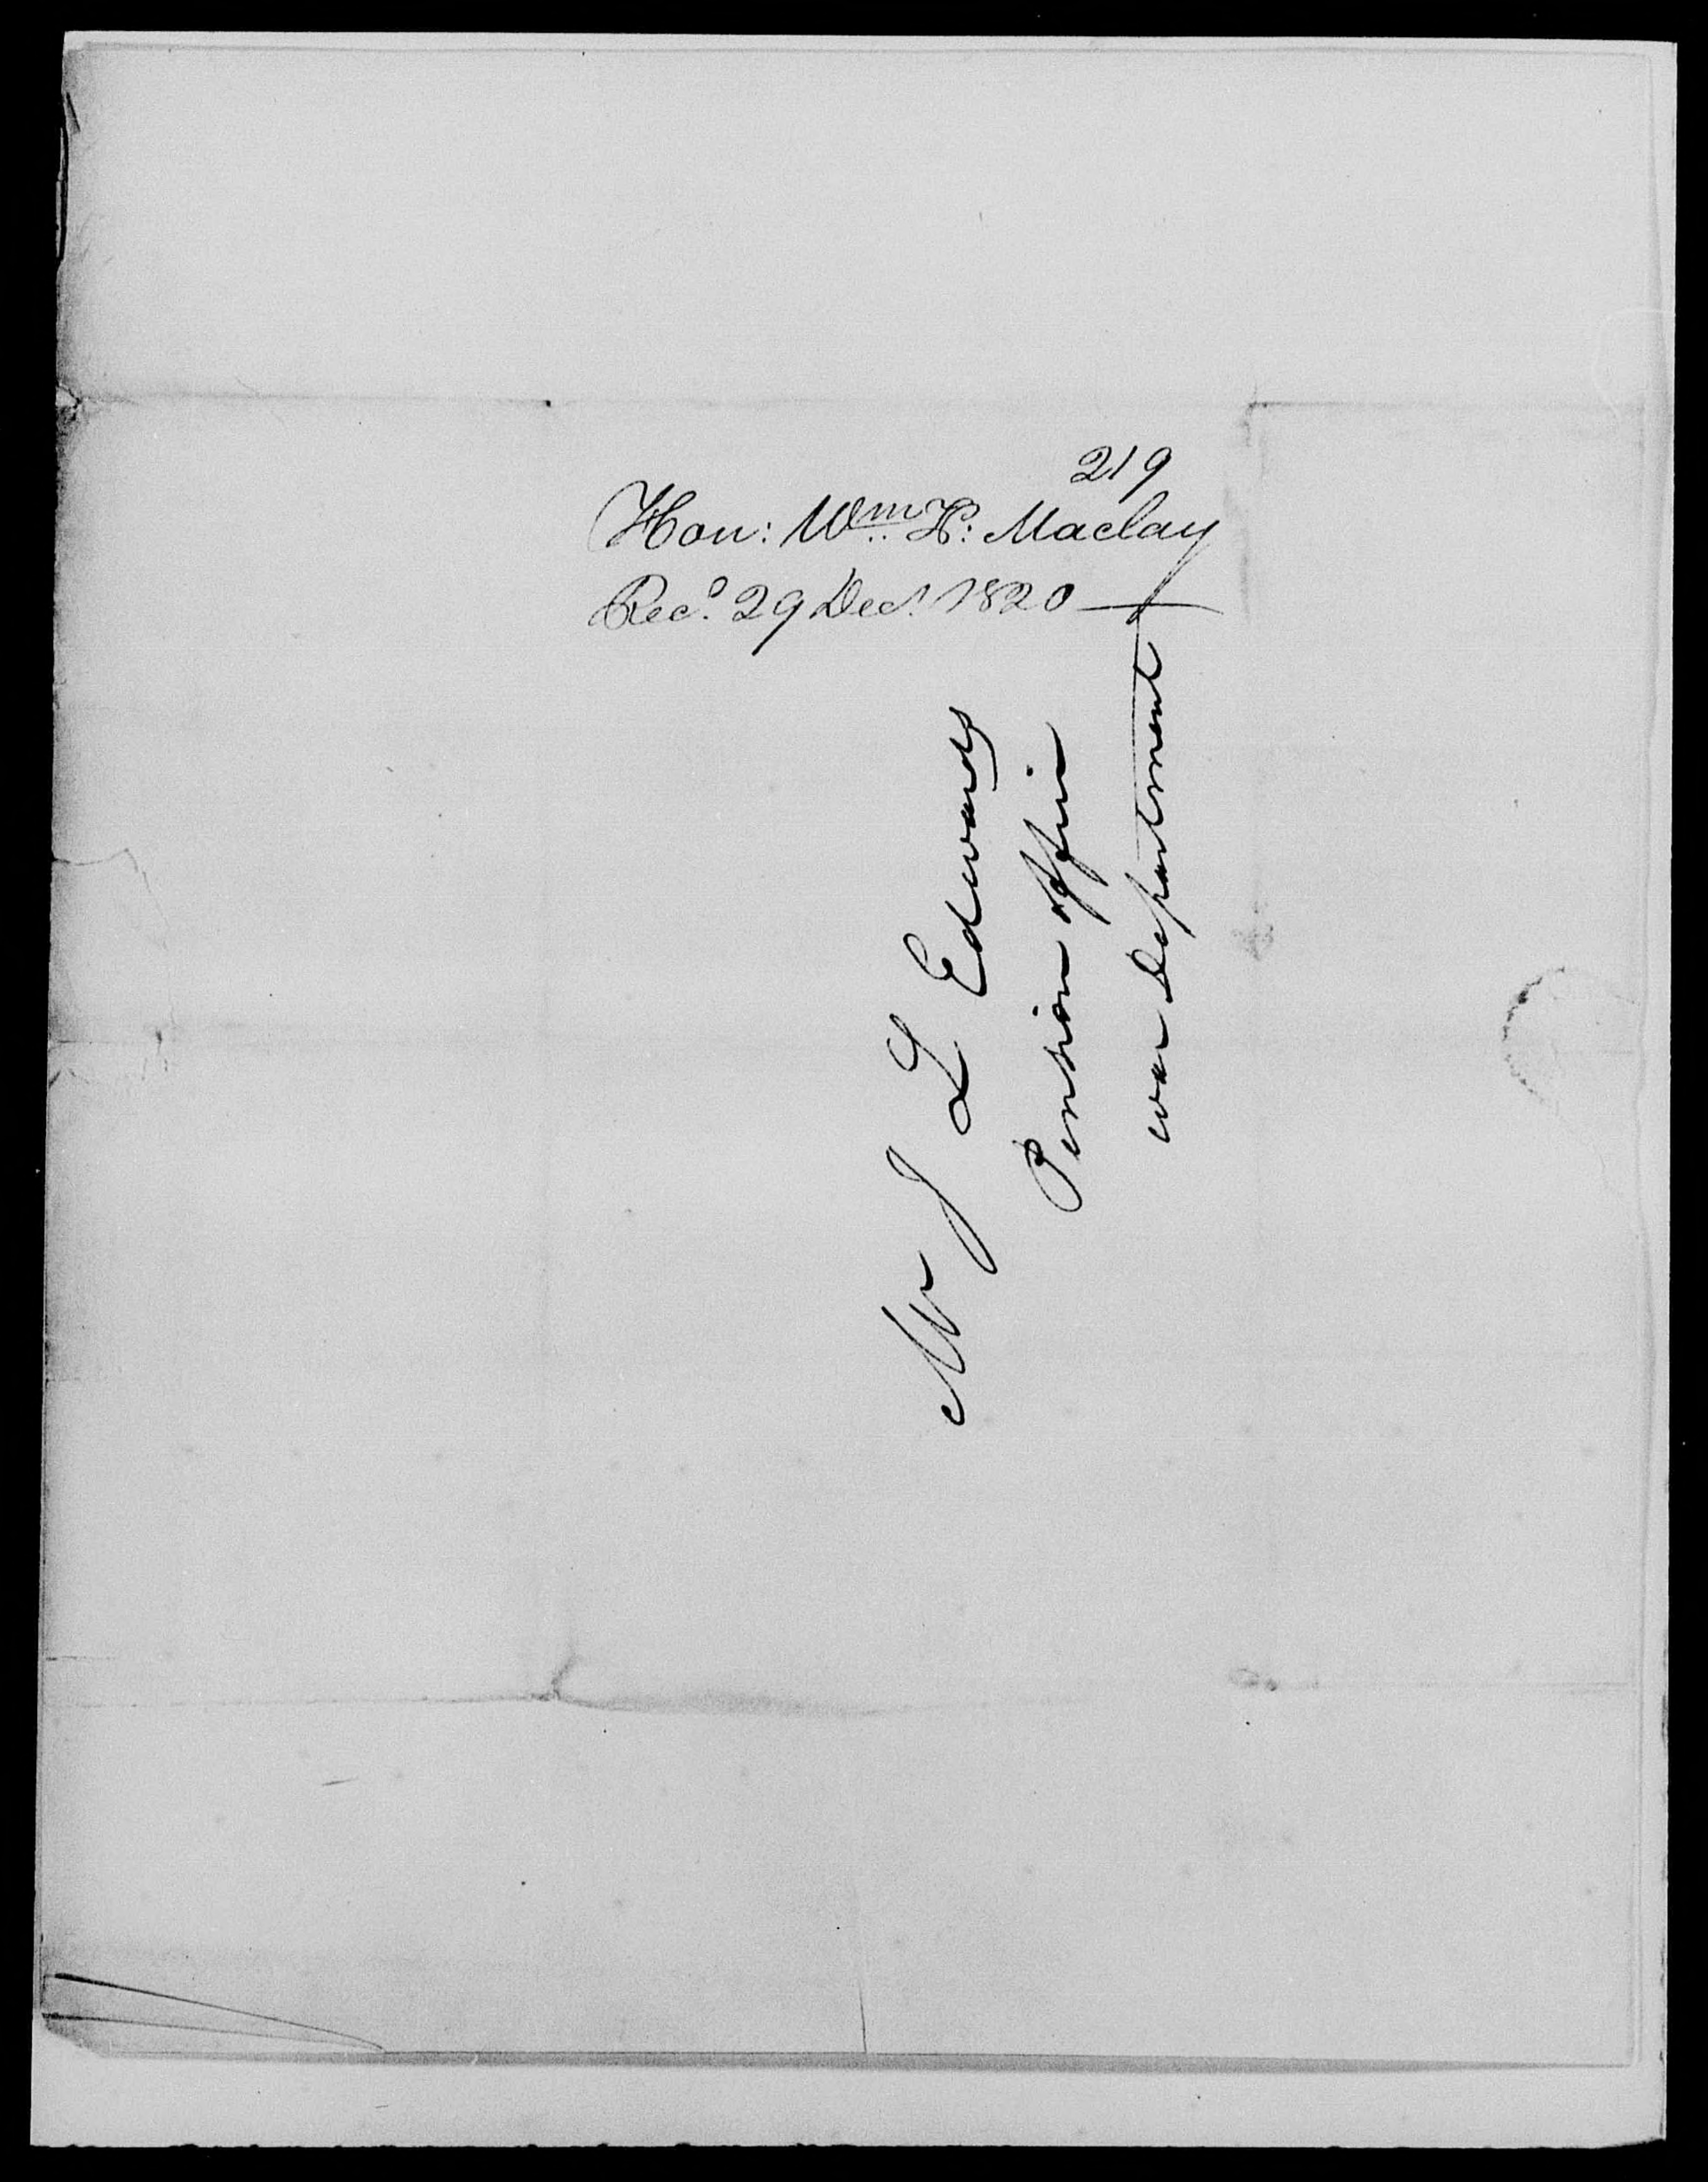219
Hon. Wm P. Maclay
Recd 29 Dec. 1820
W J L Edwards
Pension office
War Department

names: J L Edwards, Wm P Maclay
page: 11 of 15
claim: survivor's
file: S. 40,765, James Buchanan, Pa.